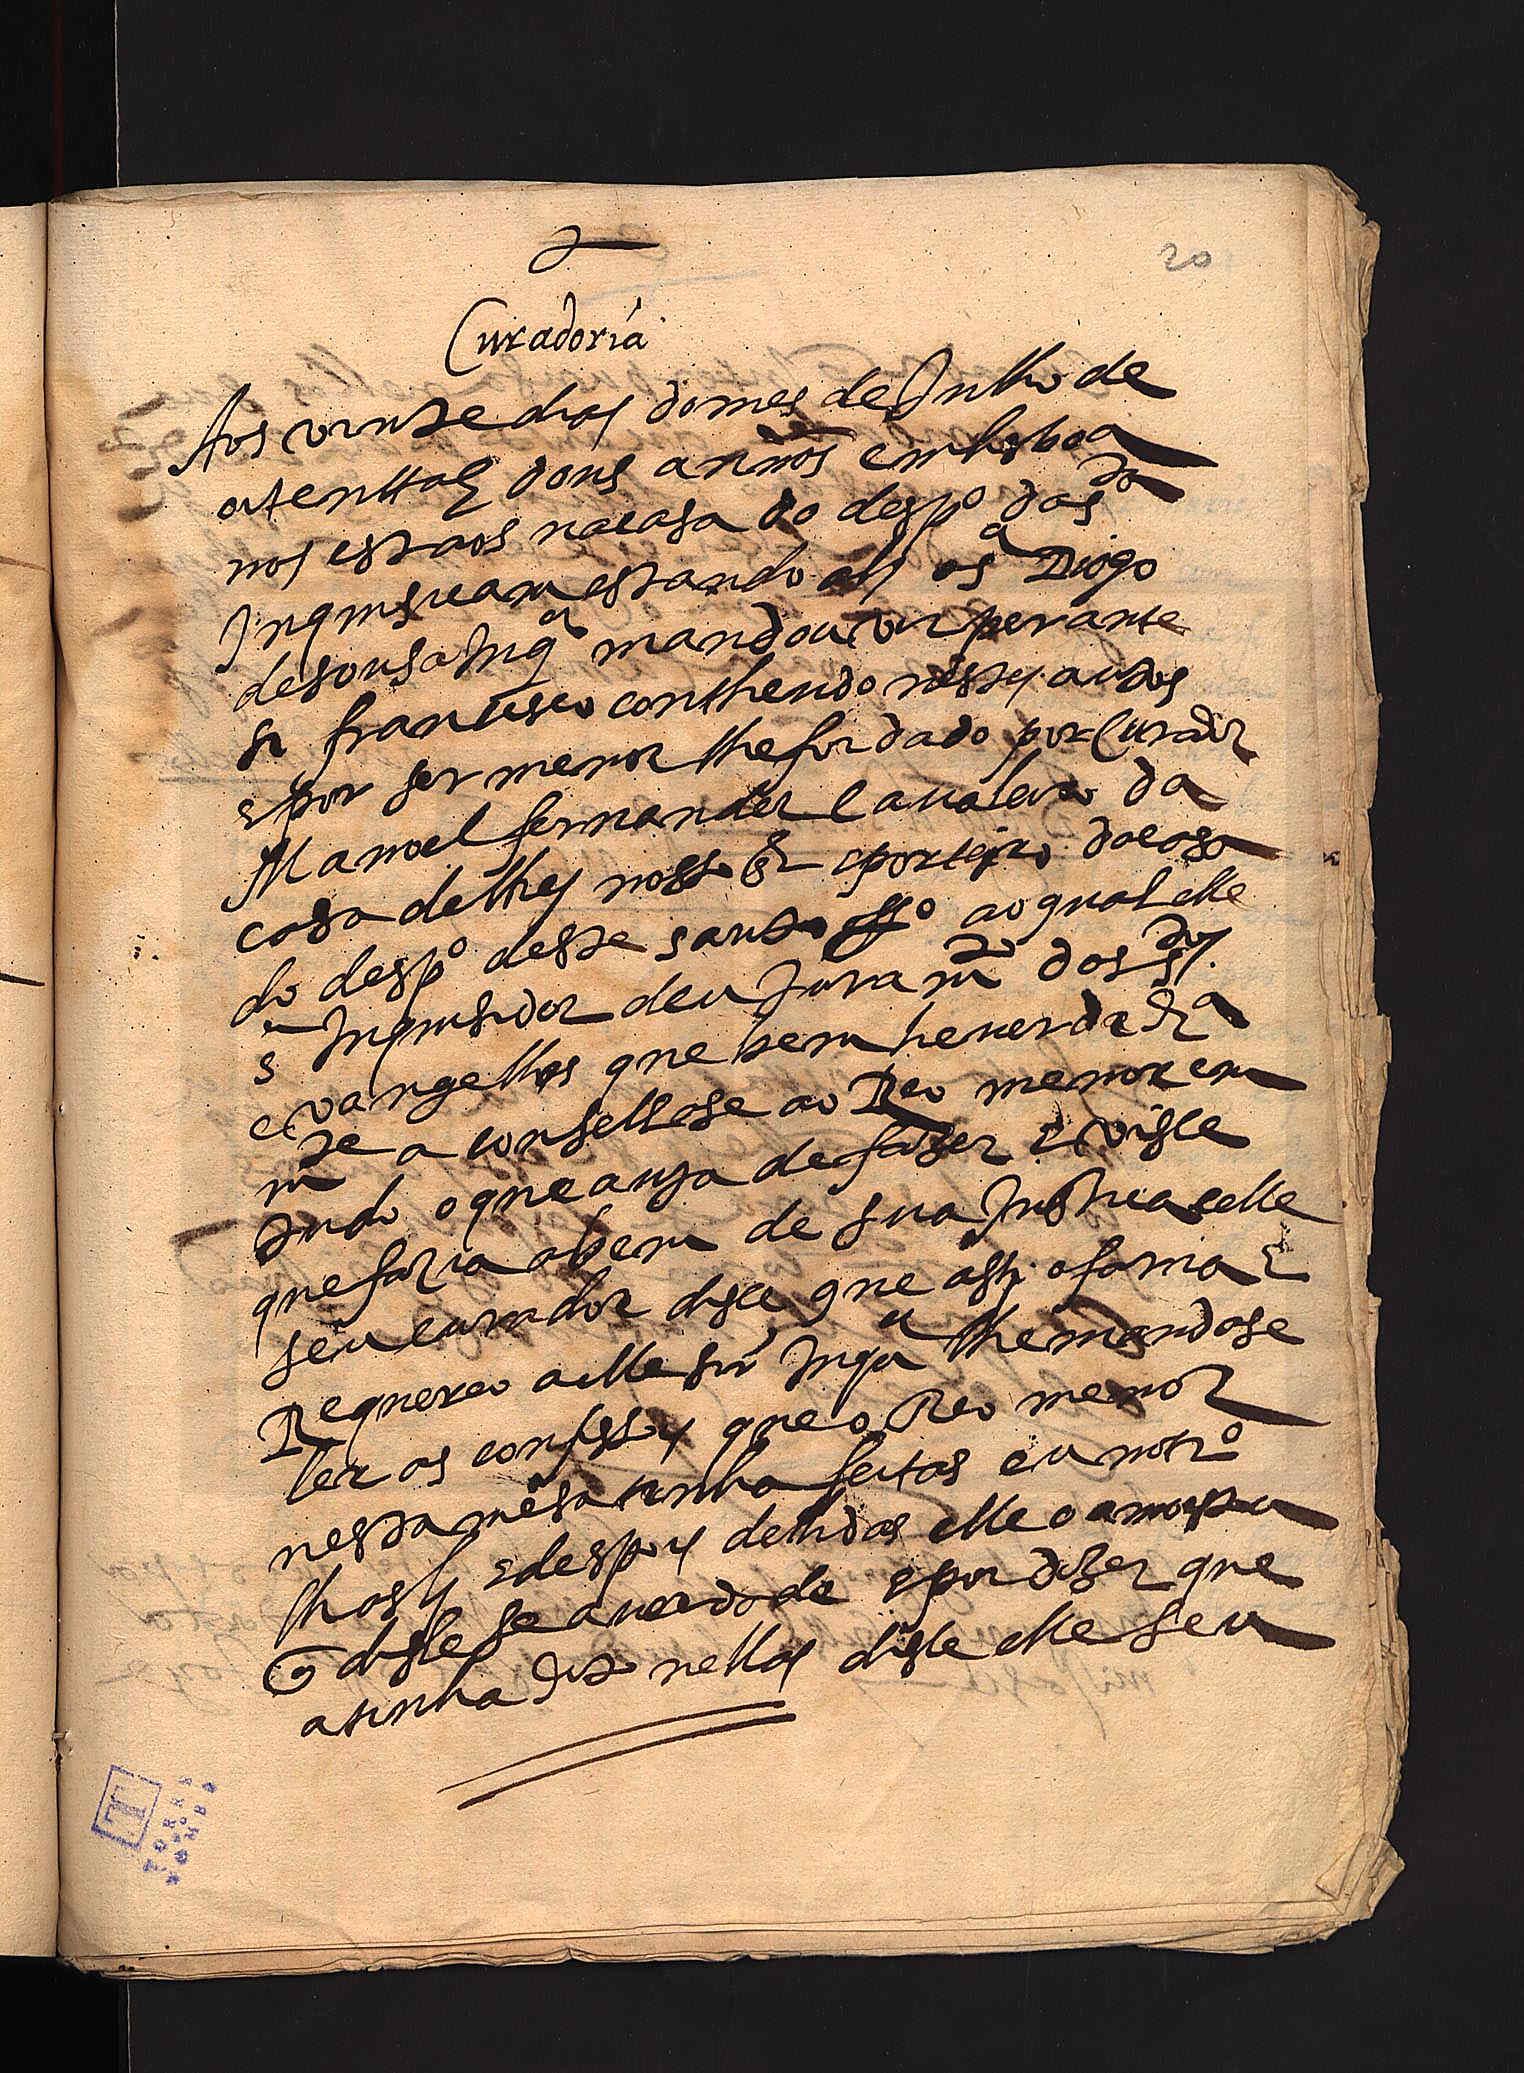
Curadoria
Aos vinte dias do mes de Julho de
oitentta E dous annos em lisboa
nos estaos na casa do despo da sta
Jnquisiçam estando alj o sor Diogo
de sousa Inqor mandou vir perante
si francisco contheudo neste autos
E por ser menor lhe foi dado por Curador
Manoel fernandez caualeiro da
casa dell rej nosso sor E portejro da casa
do despo deste santo offo ao qual elle
sor Inquisidor deu Juramto dos stos
evangelhos que bem he uerdadra
mte aconsellase ao Reo menor em
tudo o que auja de fazer e visse
que fazia a bem de sua Justiça e elle
seu curador disse que assj o faria E
Requereo a elle sor̄ Jnqoror lhe mandase
ler as confissois que o Reo menor
nesta mesa tinha feitas eu notro
lhas lj E despois de lidas elle o amoestou
q̄ dissese a uerdade E por dizer que
a tinha dito nellas disse elle seu
